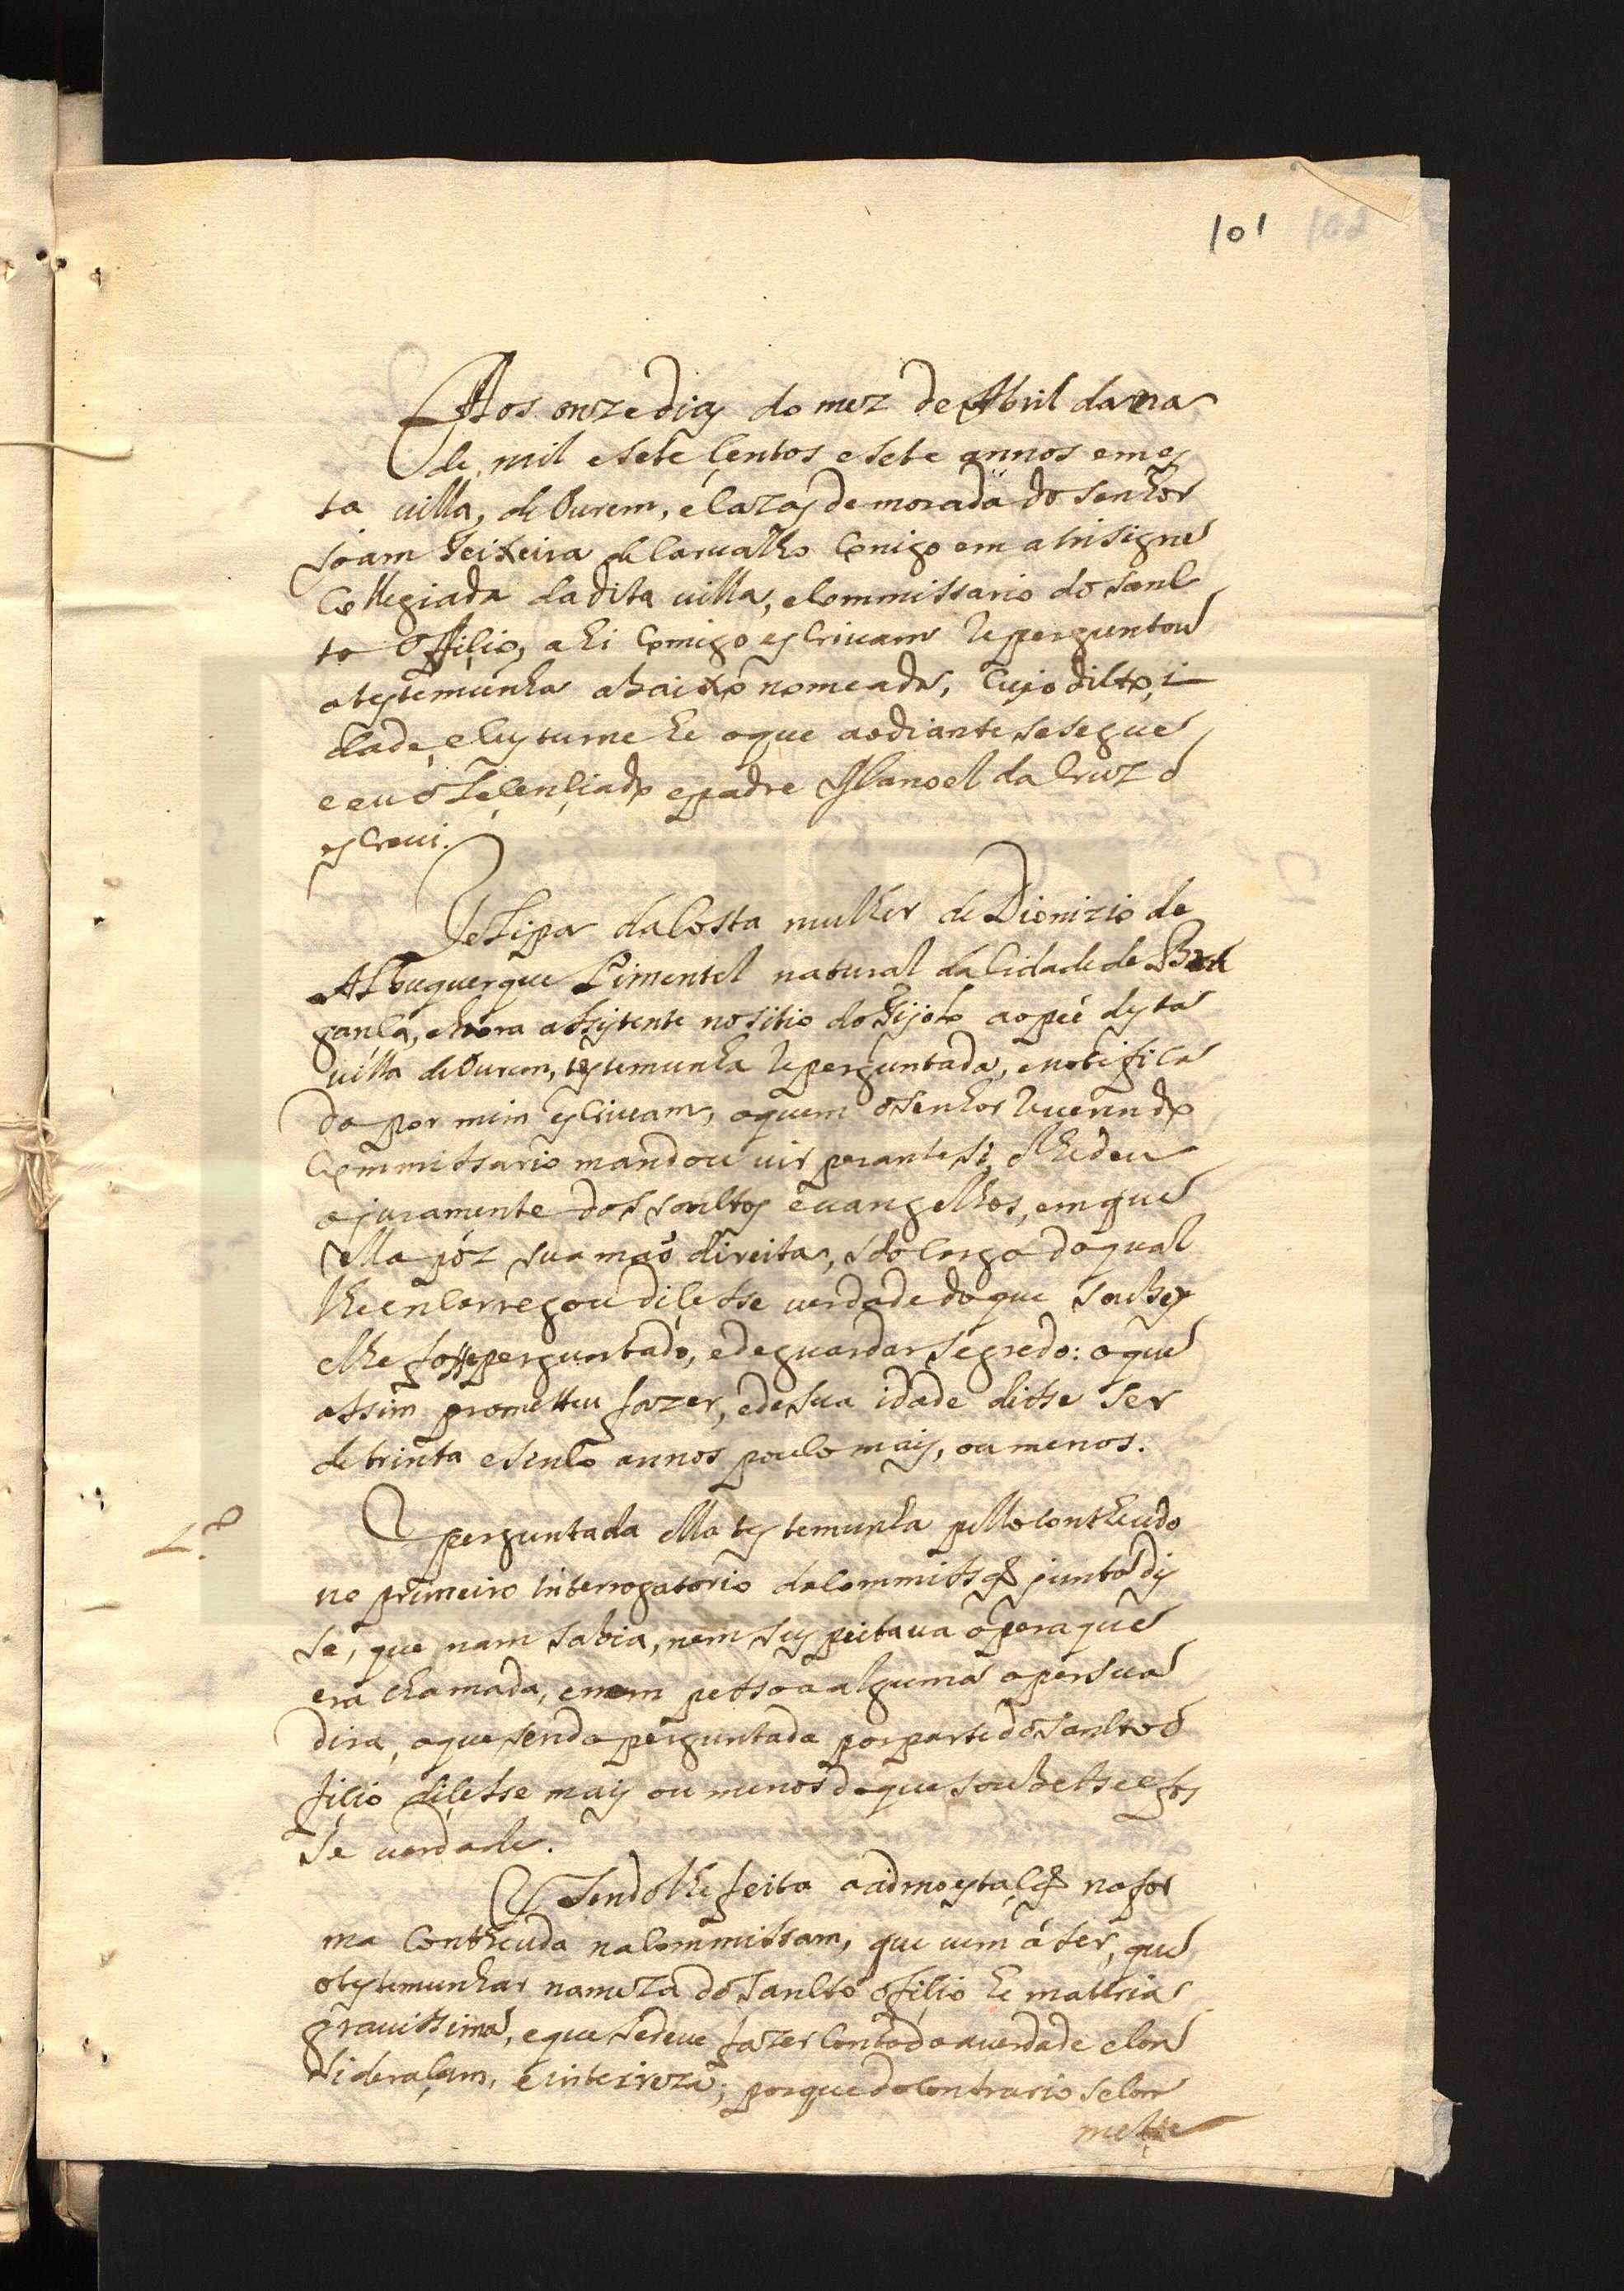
Aos onze dias do mez de Abril dana
de mil e seteCentos e sete annos em es
ta uilla, de Ourem, e Cazas de morada do senhor
Joam Teixeira de Carualho conigo em a insigne
Collegiada da dita uilla, e Commissario do sanC
to Officio, ahi Comigo escriuam Reperguntou
a testemunha abaixo nomeada, Cujo dicto, i
dade, e Custume he o que aodiante se segue
e eu o Lecenciado e padre Manoel da Cruz o
escreui.
Felipa da Costa mulher de Dionizio de
Albuquerque Pimentel natural da Cidade de Bra
gança, e hora assistente no sitio do Tijolo ao peé desta
uilla de Ourem, testemunha Reperguntada, e notifica
do por mim escriuam, a quem o senhor Reuerendo
Commissario mandou uir perante si, e lhe deu
o juramento dos sanCtos euangelhos, em que
ella poz sua maõ direita, sob cargo do qual
lhe encarregou dicesse uerdade do que souber
e lhe fosse perguntado, e de guardar segredo: o que
assim prometteu fazer, e de sua idade disse ser
de trinta e sinco annos pouco mais, ou menos.
E perguntada ella testemunha pello contheudo
no primeiro interrogatorio da commissaõ junta dis
se, que nam sabia, nem suspeitaua o para que
era chamada, e nem pessoa alguma a persua
dira, a que sendo perguntada por parte do sancto O
ficio dicesse mais ou menos do que soubesse e fos
se uerdade.
E sendolhe feita a admoestaçaõ na for
ma Contheuda na commissam, que uem á ser, que
o testemunhar na meza do SanCto officio he materia
grauissima, e que se deue fazer Con toda a uerdade, e Con
sideraÇam, e inteireza; porque do contrario se Con
mette
